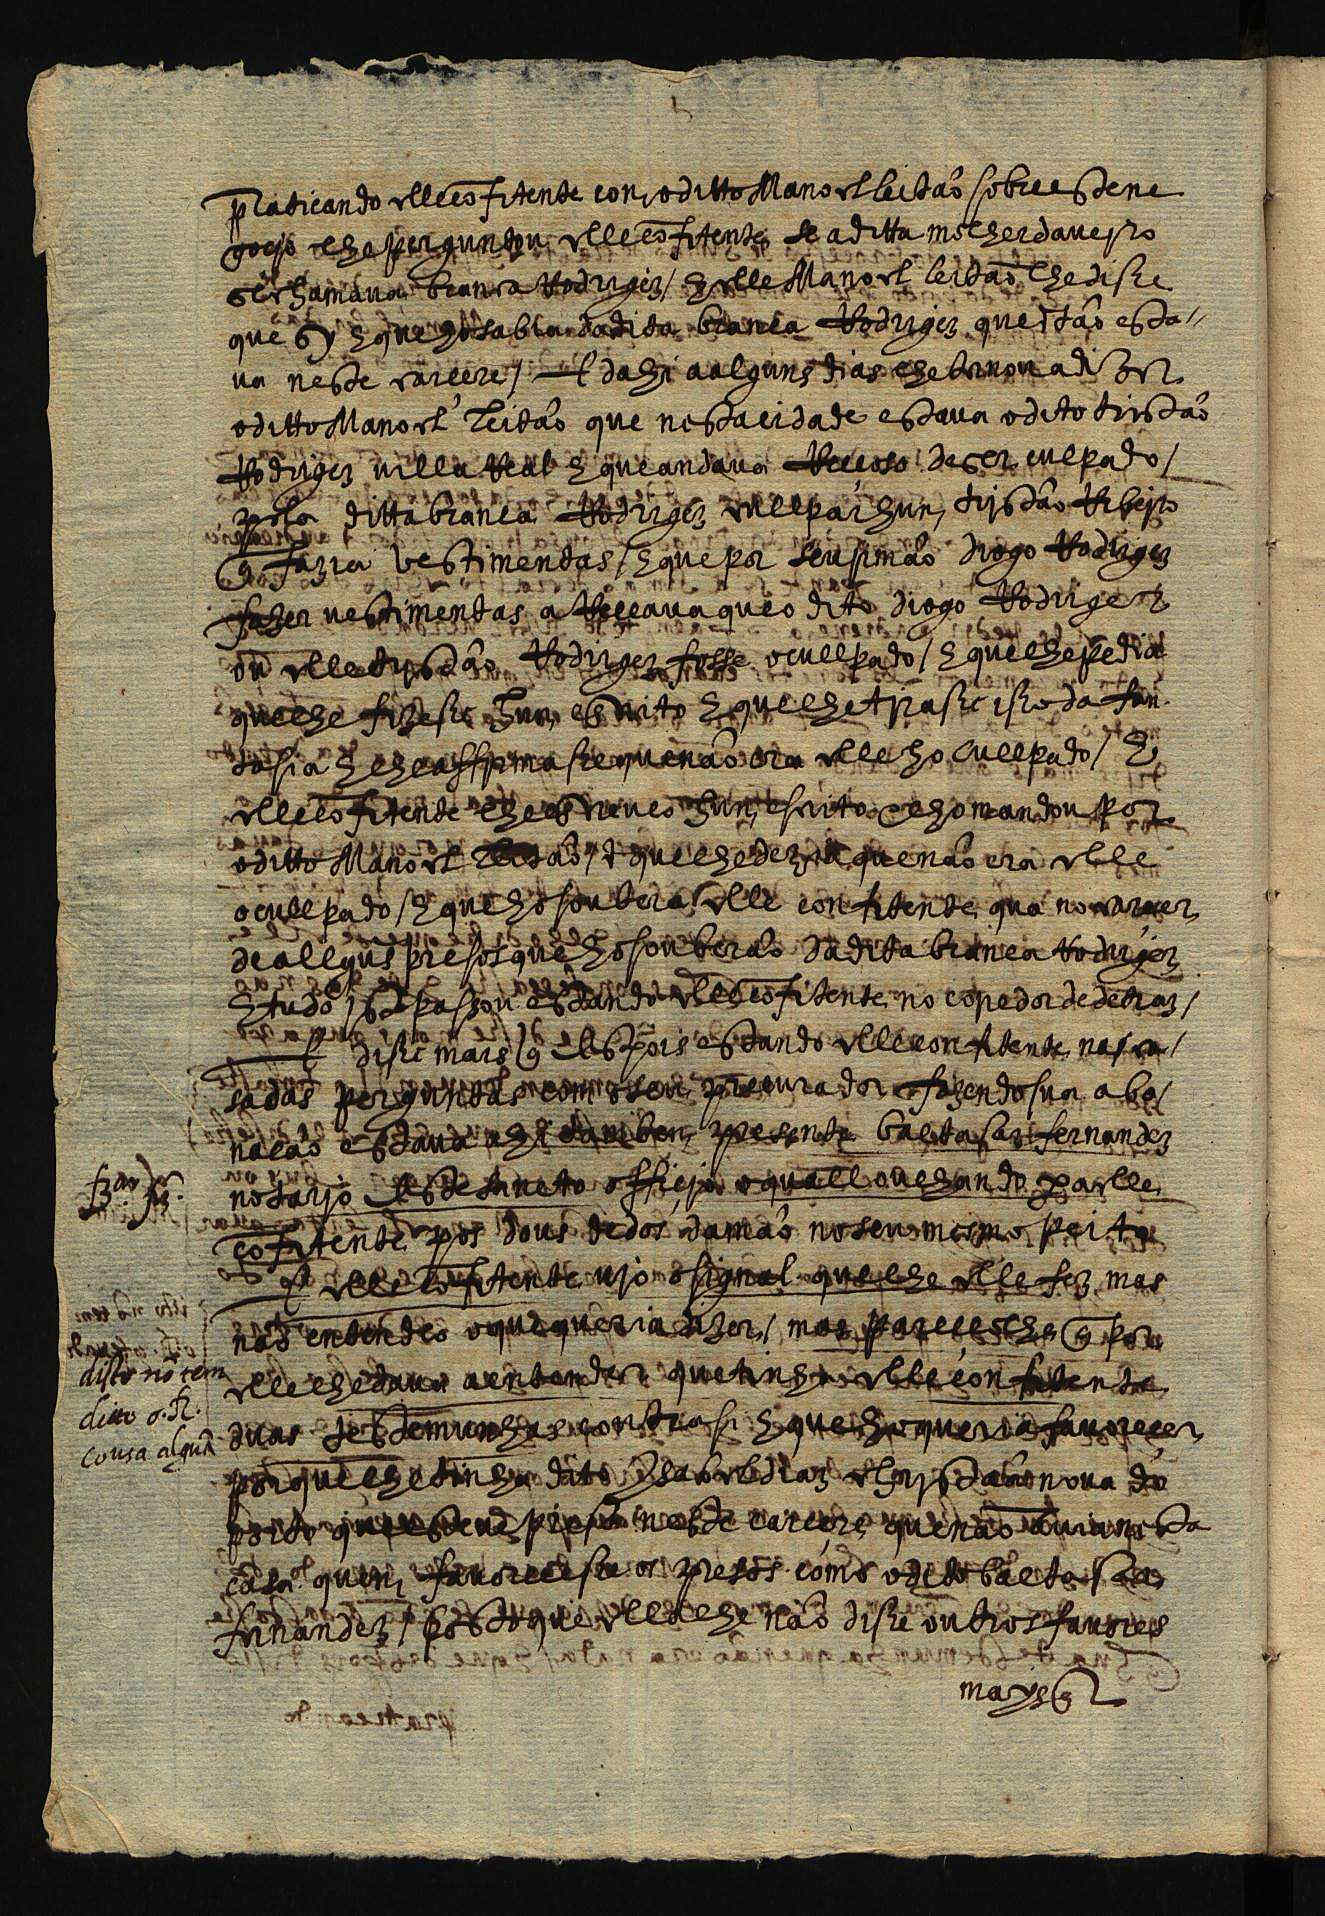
praticando elle cōfitente com o ditto Manoel leitaõ sobre este ne
gocjo lhe perguntou elle cōfitente se a ditta molher dauejro
se chamaua branca Rodrigez / E elle Manoel leitão lhe disse
que sy E que ho sabia da dita branca Rodrigez que ētão esta
ua neste carcere / E dahi a alguns dias lhe tornou a dizer
o ditto Manoel Leitão que nesta cidade estaua o dito tristaõ
Rodrigez uilla Real E que andaua Receoso de ser culpado /
pela ditta branca Rodrigez cullpar hum tristão Ribejro
q̄ fazia vestimentas / E que por seu jrmaõ diogo Rodrigez
fazer uestimentas aReceaua que o dito diogo Rodrigez
ou elle tristão Rodrigez fosse o cullpado / E que lhe pedia
que lhe fizesse hum escrito E que lhe tjrasse isso da fan
tasia E lhe affirmasse que não era elle ho cullpado / E
elle cōfitente lhe escreueo hum escrito e lho mandou por
o ditto Manoel Leitaõ / ē que lhe dezia que não era elle
o cullpado / E que ho soubera elle confitente que no carcer
de allgūs presos que ho souberaõ da dita branca Rodrigez
E tudo jsto passou estando ele cōfitente no corredor de detras /
E disse mais q̄ despois estando elle confitente nas ca /
sa das perguntas com o seu precurador fazendo sua abo /
naçaõ estaua ahi tambem presente baltasar fernandez
Bar. frz̄.
notarjo deste sancto officio o quall oulhando ꝑa elle
cōfitente pos dous dedos da maõ no seu mesmo peito
E elle cōfitente ujo o signal que lhe elle fez mas
naõ entendeo o que queria dizer / mas pareceolhe q̄ por
disto nō tem
ditto o .R.
cousa alguā
elle lhe daua a entender que tinha elle confitente
duas testemunhas contra si E que ho queria fauorecer
porque lhe tinha dito Jsabel diaz chrjstaā noua do
pois que esteue preso neste carcere, que não auia nesta
casa quem fauorecesse os presos como o dito baltasar
fernandez / posto que ella lhe não disse outros fauores
mays q̄
